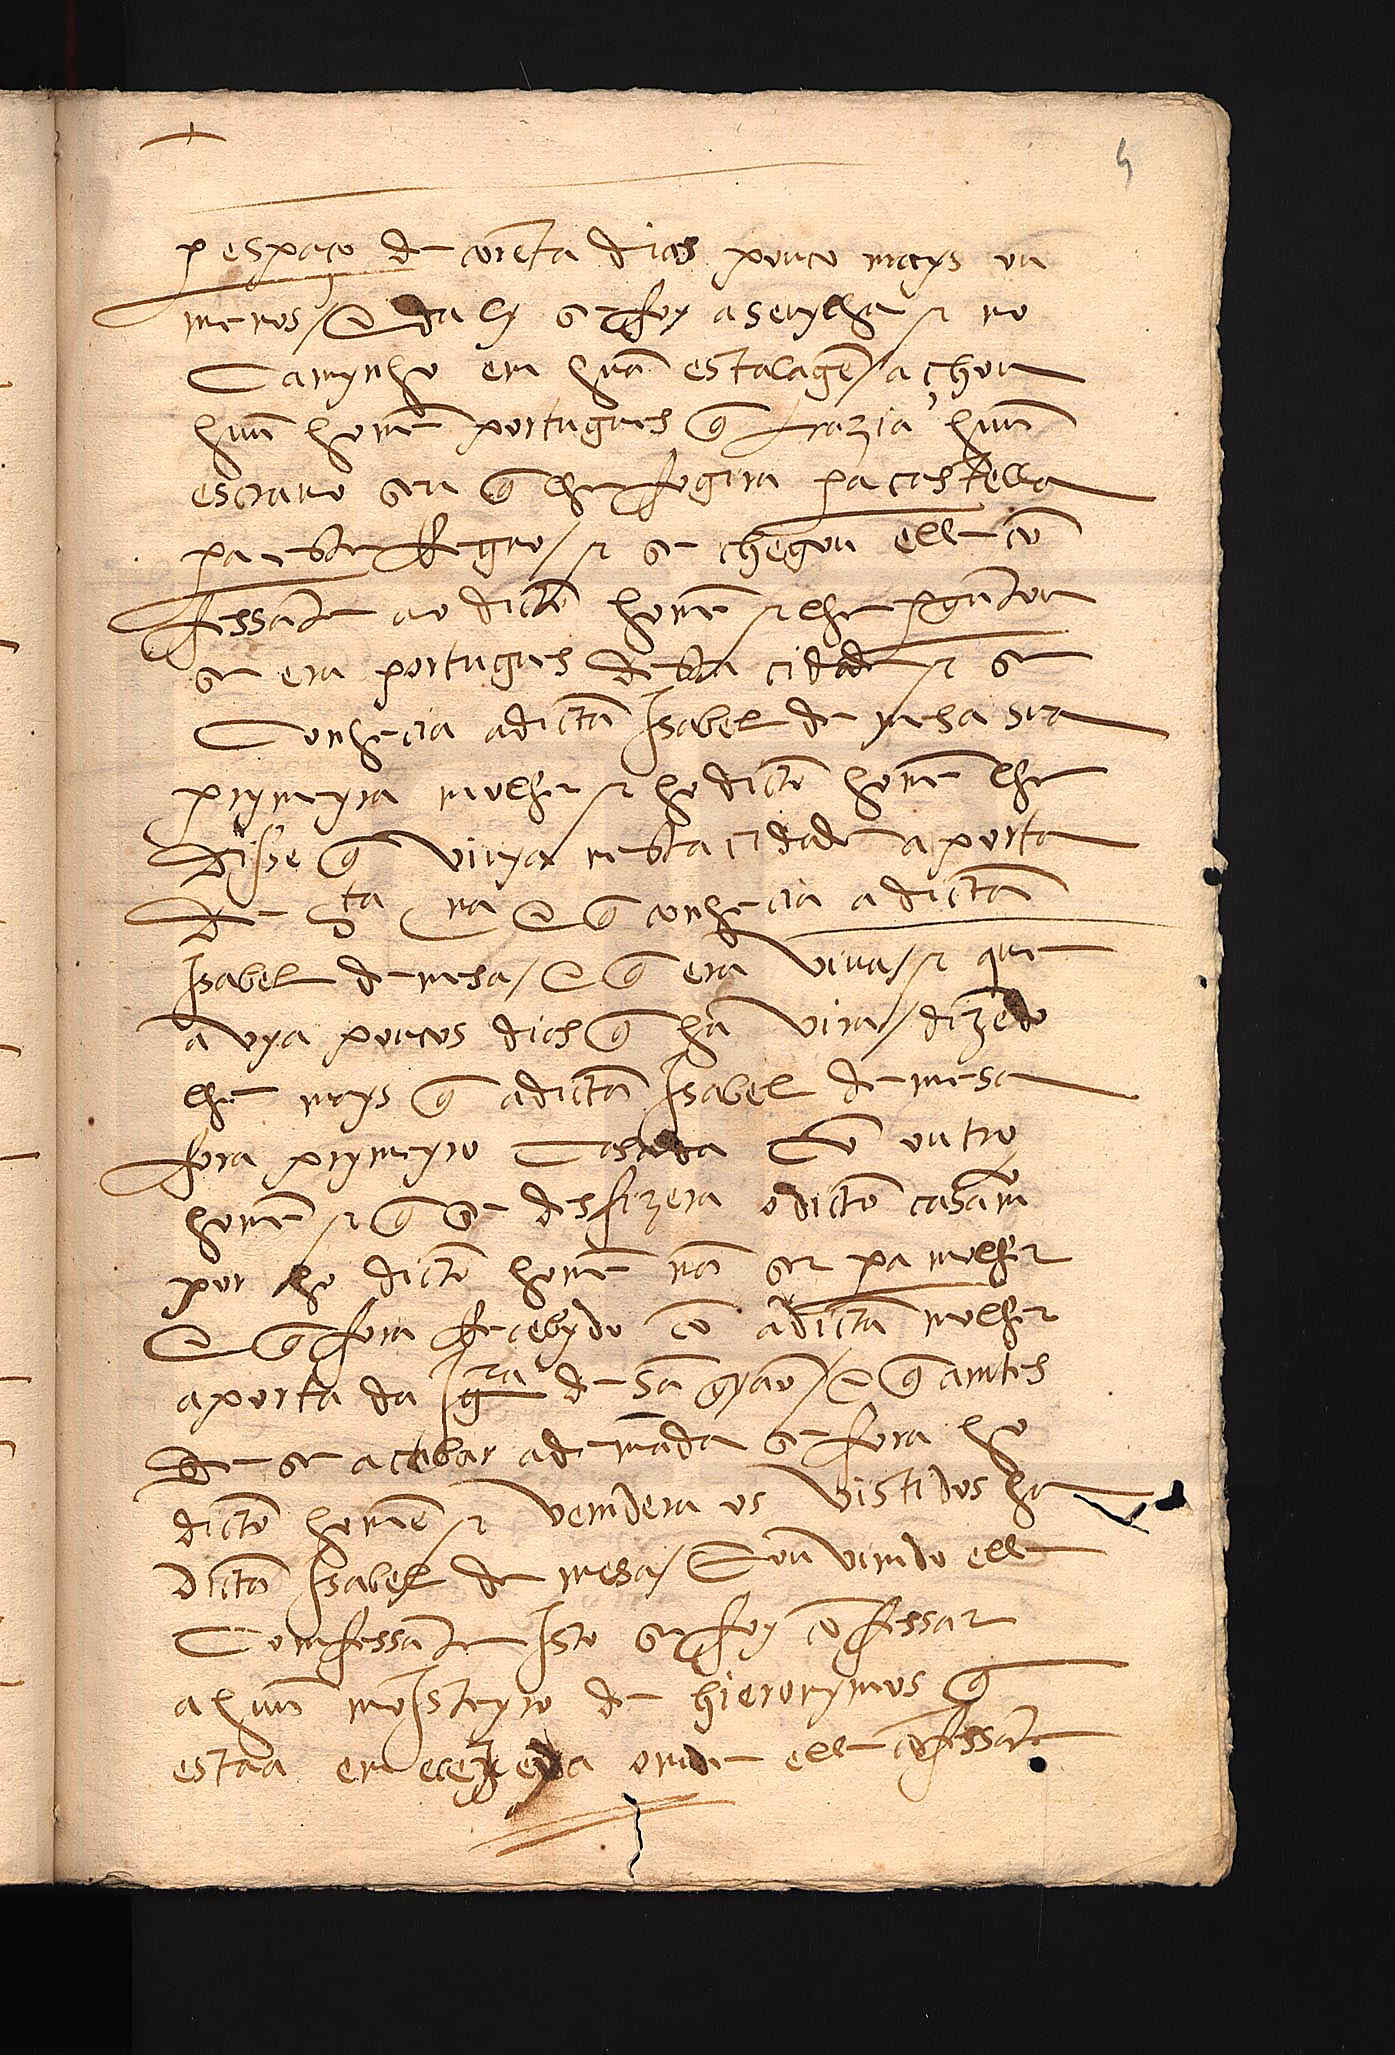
pessoas de cōreta dias pouco mays ou
menos / e daly se foy a seuylha e no
Camynho em hūa estalagē / achou
hūu homē portugues q̄ trazia hūu
escrauo seu q̄ lhe fogira ꝑa castella
ꝑa este Regno / e se chegou elle cō
fessāte ao dic̄to homē e lhe ꝑgūtou
se era portugues desta cidade e se
Conhecia a dic̄ta Jsabel de mesa sua
prymeyra molher e ho dīcto homē lhe
disse q̄ viuya nesta cidade a porta
de Sta Cna e q̄ conhecia a dīcta
Jsabel de mesa / e q̄ era viua / e que
avya poucos dias q̄ ha vira / dizēdo
lhe mays q̄ a dic̄ta Jsabel de mesa
fora prymeyro casada cō outro
homē e q̄ se desfizera o dic̄to casamto
por ho dic̄to homē nā ser ꝑa molher
e q̄ fora Recebydo cō a dic̄ta molher
a porta da Jgra de sā gyão / e q̄ amtes
de se acabar a demāda se fora ho
dīcto homē e vemdera os vistidos ha
dīcta Jsabel de mesa / E ouvimdo elle
Comfessāte Jsto se foy cōfessar
a hūu moJsteyro de hieronymos q̄
estaa em ell_e_a omde elle cōfessāte
